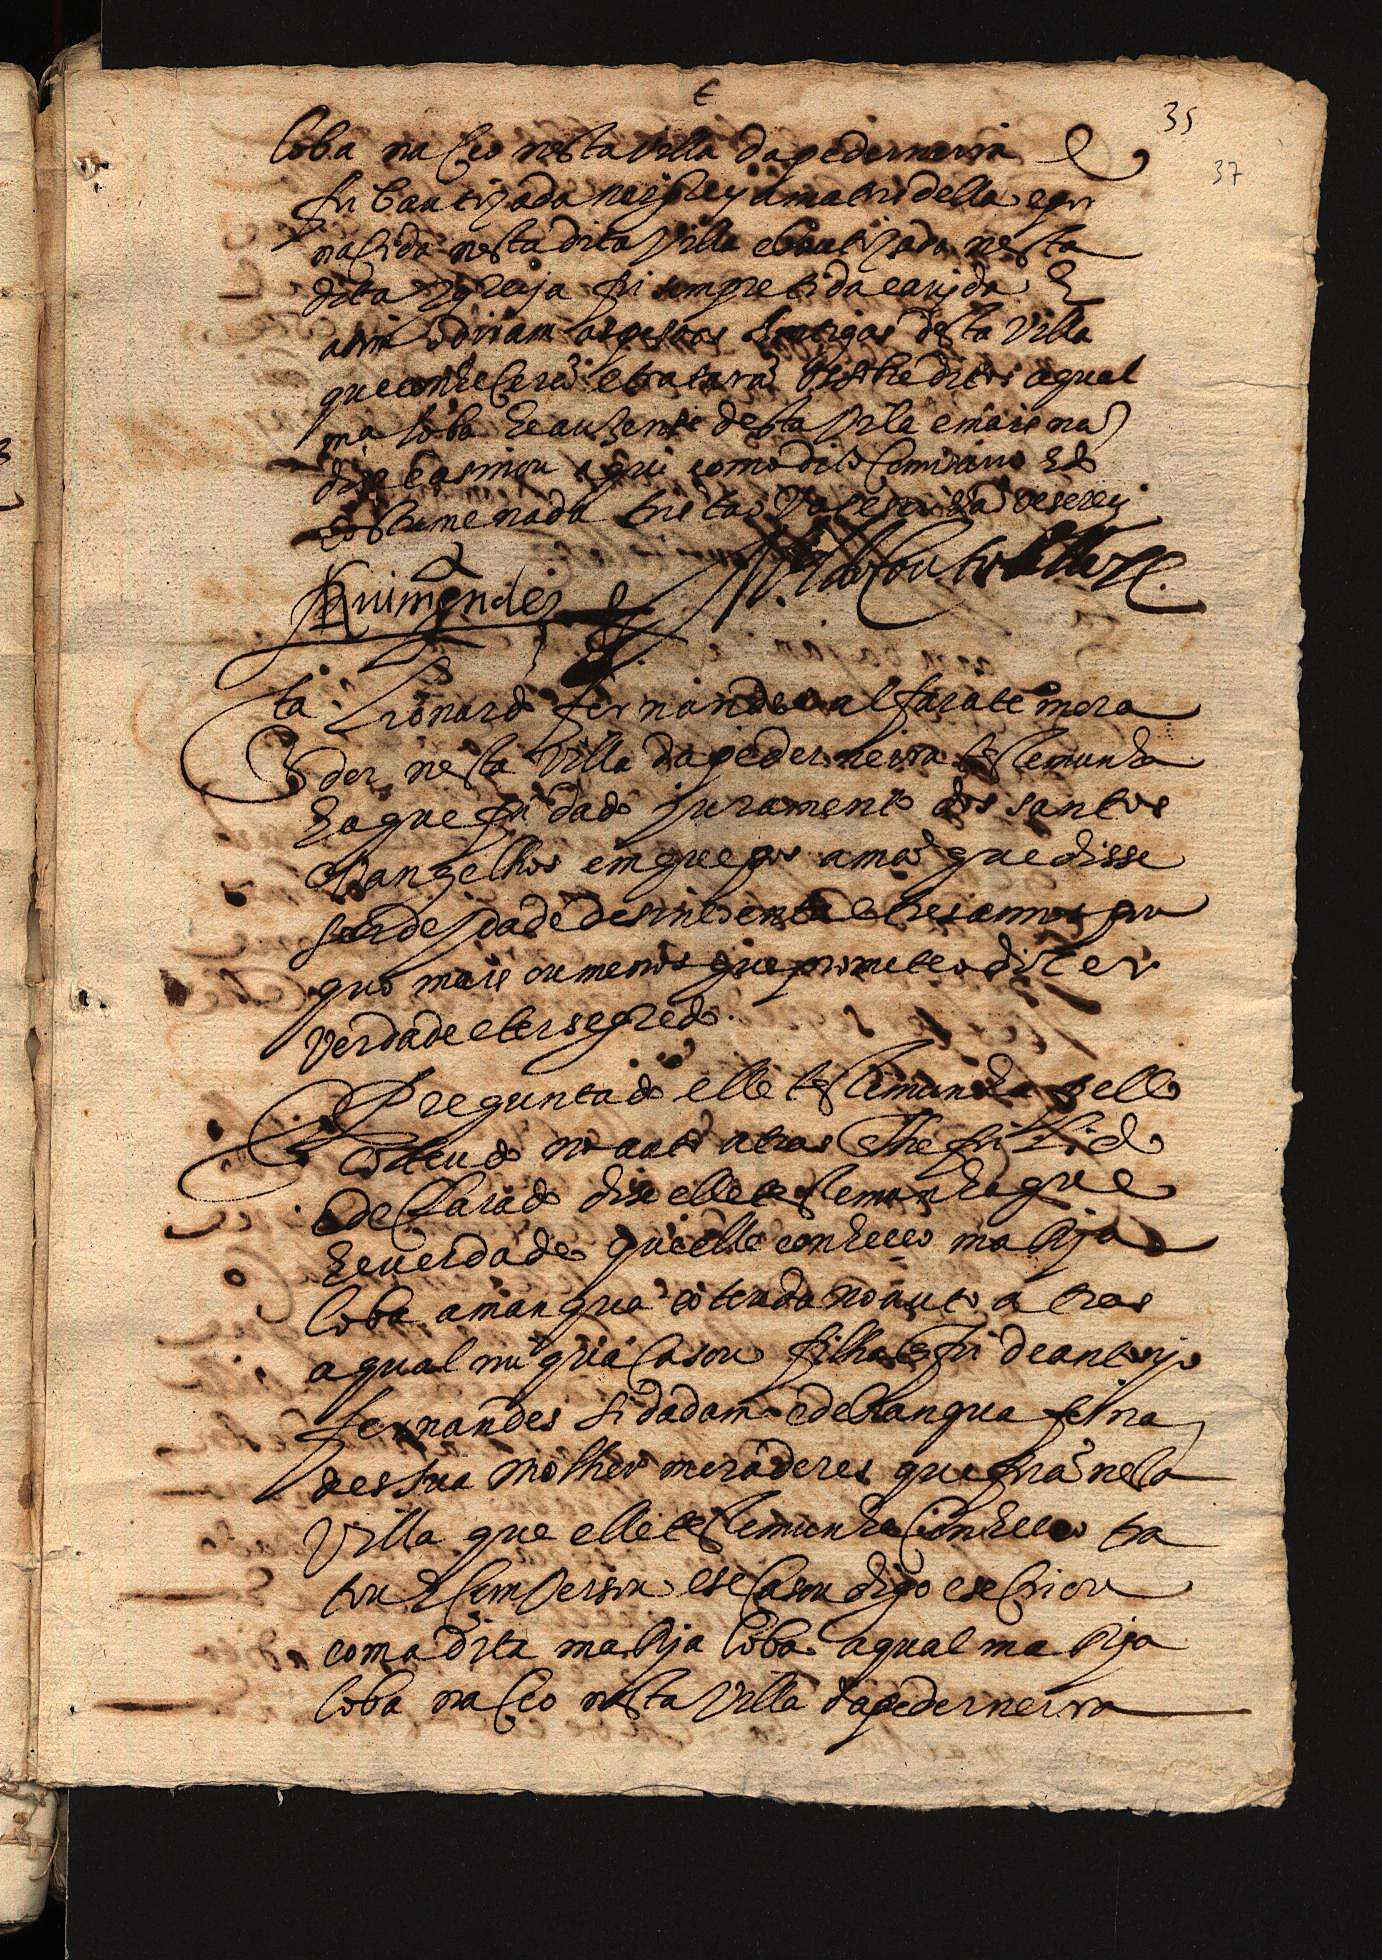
loba naCeo nesta villa da pederneira e
foi bautizada na igreija matris della e por
naCida neste dita Villa e bautizada nesta
dita igreija fui sempre tida e auida E
asim o diram as pesoas Amtigas desta Villa
que conheCeraõ e trataraõ os sobreditos a qual
ma loba he auzente desta Vila e mais naõ
dise e asinou aqui com o dito Comisario E do
Costume nada tristao Vaz escrivaõ o escreuj
Tta. Lionardo fernandes alfaiate mora
dor nesta Villa da pederneira testemunha
E a que foi dado Juramento dos santos
eVangelhos em que pos a maõ que disse
ser de jdade de sincoenta e tres annos pou
quo mais ou menos que prometeo dizer
Verdade e ter segredo.
Preguntado elle testemunha pello
cōteudo no auto atras e lhe foi Lido
e deClarado disse elle testemunha que
he uerdade que elle conheçeo maRja
Loba a manqua coteuda no auto atras
a qual nunqua Casou filha q̄ foi de antonjo
fernandes sidadam e de branqua ferna
des sua molher moradores que foraõ nesta
Villa que elle testemunha Conhec_o tra
tou e ComVersou e se Casou digo e se Criou
com a dita maRja loba a qual maRia
loba naCeo nesta Villa da pederneira
